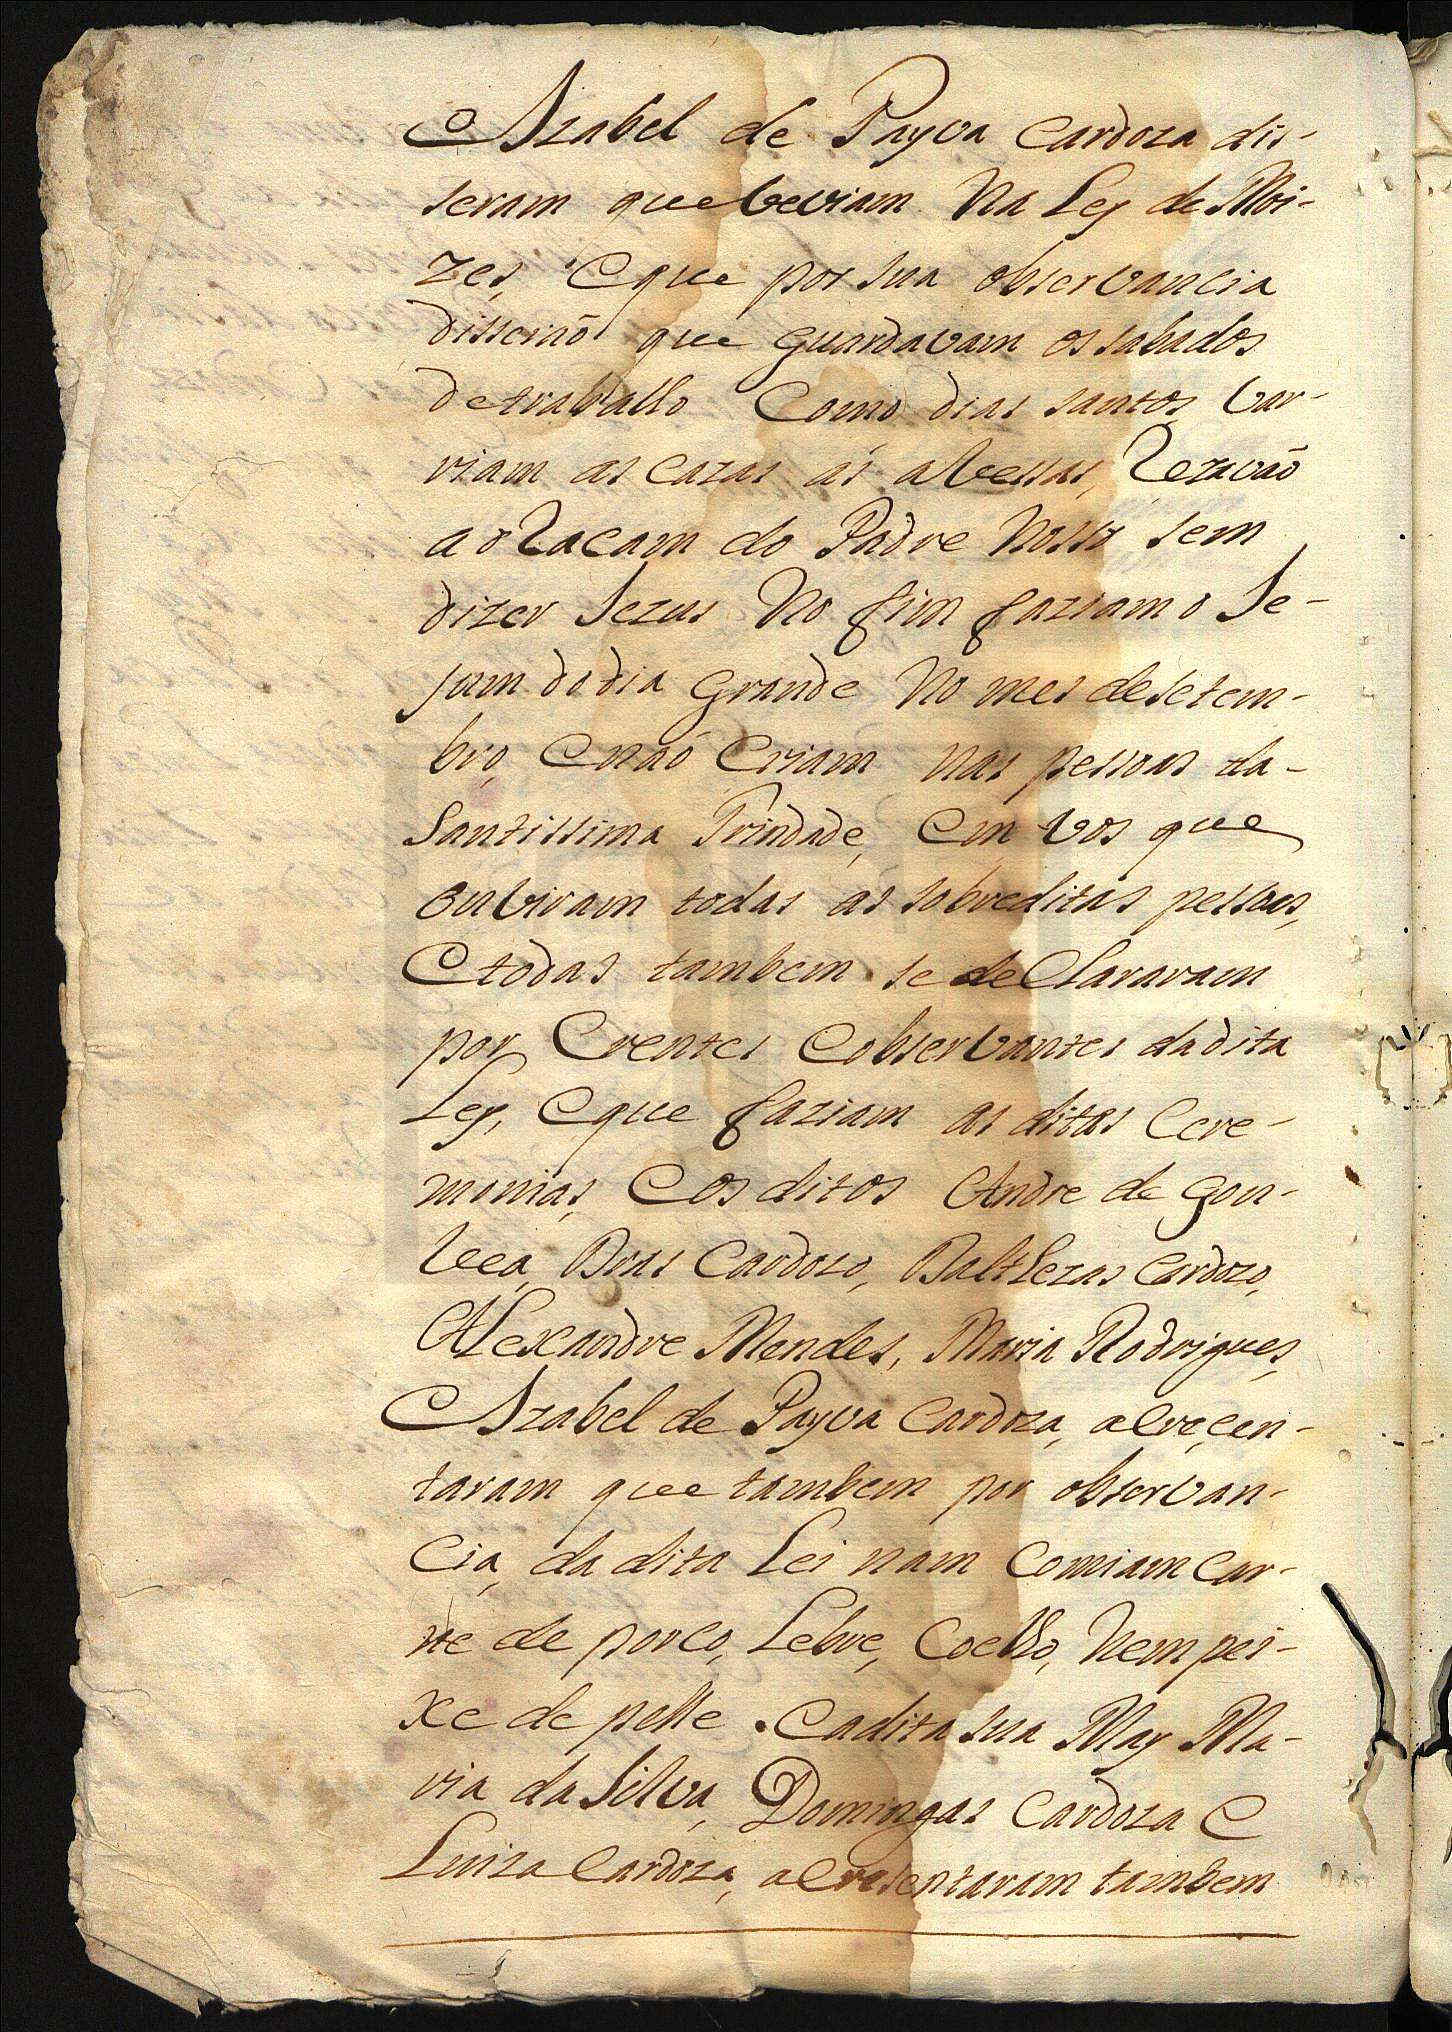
e Izabel de Payva cardoza dis
seram que veviam na Ley de Moi
zes, e que por sua observancia
disseraõ que guardavam os sabados
de trabalho como dias santos var
riam as cazas ás avessas, Rezavaõ
a oRacam do Padre nosso sem
dizer Iezus no fim faziam o Ie
jum do dia grande no mes de setem
bro, e naõ criam nas pessoas da
Santissima Trindade, em vos que
ouviram todas as sobreditas pessoas,
e todas tambem se declararam
por Crentes e observantes da dita
Ley, e que faziam as ditas cere
monias, e os ditos Andre de gou
vea, Bras cardozo, Balthezar cardozo,
Alexandre Mendes, Maria Rodrigues,
e Izabel de Payva cardoza, acreçen
taram que tambem por observan
cia, da dita Lei nam comiam car
ne de porco, Lebre, coelho, nem pei
xe de pelle e a dita sua May Ma
ria da Silva, Domingas cardoza e
Luiza cardoza, acresentaram tambem
